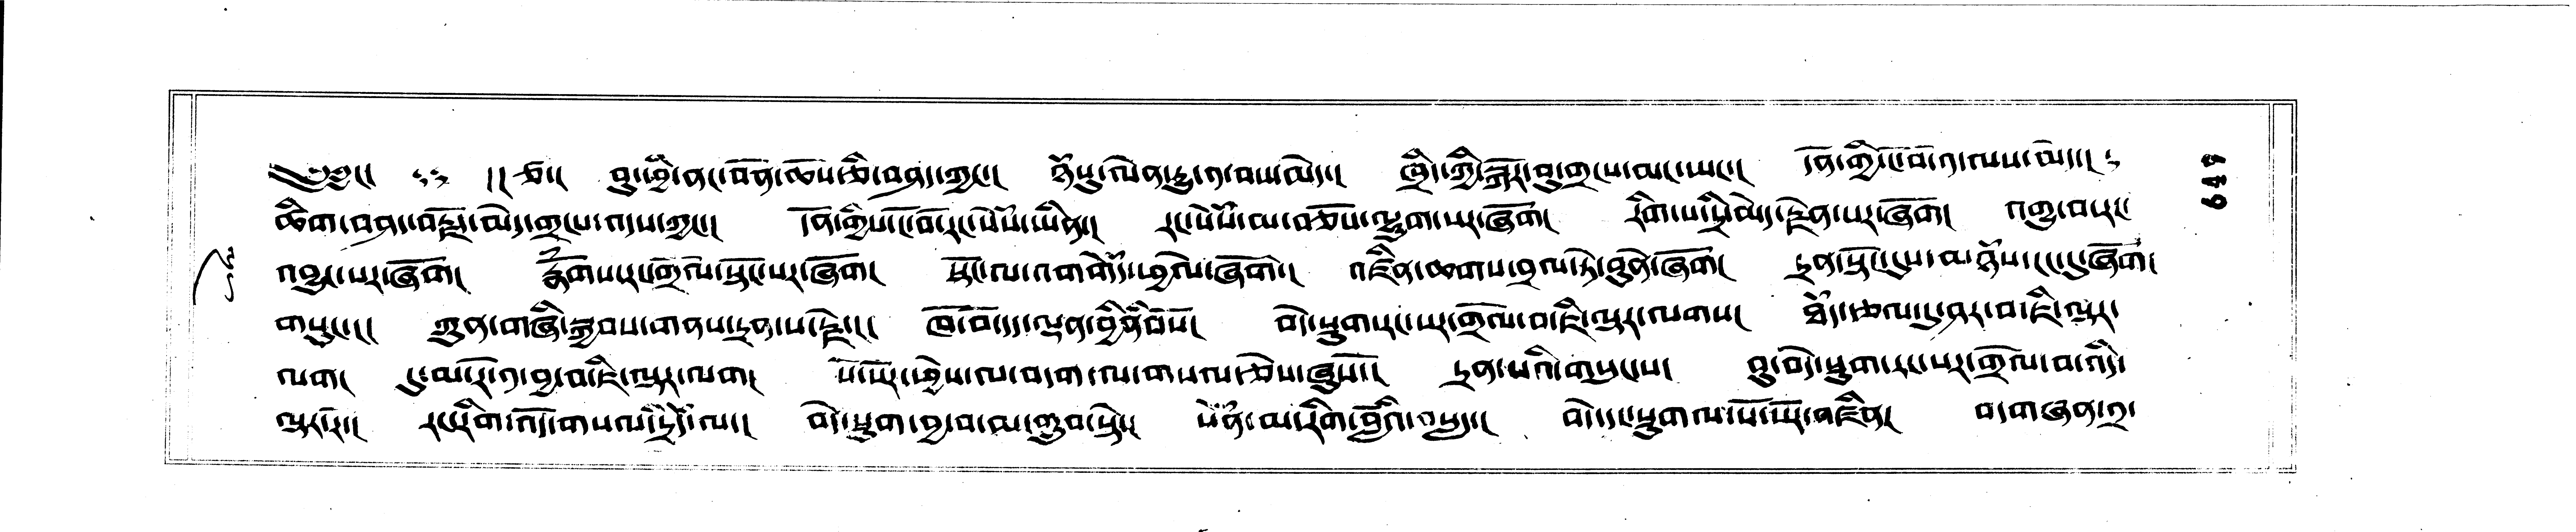ཙ། བུ་ཕྱི་ནང་བོན་ཆོས་ཅི་བཤད་ཀྱང་། ཉམས་སུ་ལེན་རྒྱུ་གཅིག་ལ་མེད། ཁྲིད་ཀྱི་སྐོར་བུ་གྲངས་མང་ཡང་། དོན་གྱི་ངོ་སྤྲོད་”ངོ་བོ”གཅིག་བས་མེད། 
ཚིག་གིས་བཤད་བརྗོད་གྲངས་དྷས་(འདས)ཏེ། དོན་གྱི་ངོའོ་རང་སེམས་ཡིན། རང་སེམས་མ་བཅོས་ལྷུག་པར་ཞོག རིག་པ་དྲི་མེད་རྗེན་པར་ཞོག འགྱུ་བ་རང་
འབྱུང་རང་སར་ཞོག རྣམ་ཏོག་རང་གྲོལ་སྟོང་པར་ཞོག གསལ་ལ་འཛིན་མེད་སལེ་ཞོག སྟོང་པ་བདག་མེད་ཕྱལ་ལེ་ཞོག འཛིན་ཆག་བྲལ་སྟེ་བུན་ནེ་ཞོག དྲན་སྟོང་དུས་མཉམ་སང་སང་ཞོག་
གསུངས། ཀུན་གྱིས་སྐྱབས་གནས་དམ་པ་རྗེ། ཁོ་བོ་དད་ལྡན་བྱིན་གྱིས་རློབས། བདེ་སྡུག་རང་སར་གྲོལ་བྱ་བ་ཅི་ལྟར་ལགས། ཐམས་ཅད་རྩལ་དུ་ཤར་བྱ་བ་ཅི་ལྟར་
ལགས། དུ་མ་རོ་གཅིག་བྱ་བ་ཅིར་ལྟར་ལགས། སོ་སོར་ཕྱེ་ནས་བདག་ལ་བསྟན་དུ་གསོལ། ཞེས་ཞུས་སོ། དྲན་པས་གསུངས་པ་ བུ་བདེ་སྡུག་རང་སར་གྲོལ་བྱ་བ་འདི་
ལྟར་ཡིན། རང་རིག་འོད་གསལ་དྲི་མེད་ལ། བདེ་སྡུག་བྱ་བ་མ་གྲུབ་སྟེ། སེམས་ཅན་མ་རིག་བློ་ཡི་བསླད། བདེ་དང་སྡུག་བསྔལ་སོ་སོར་འཛིན། བདག་བཞན་གཅིག་